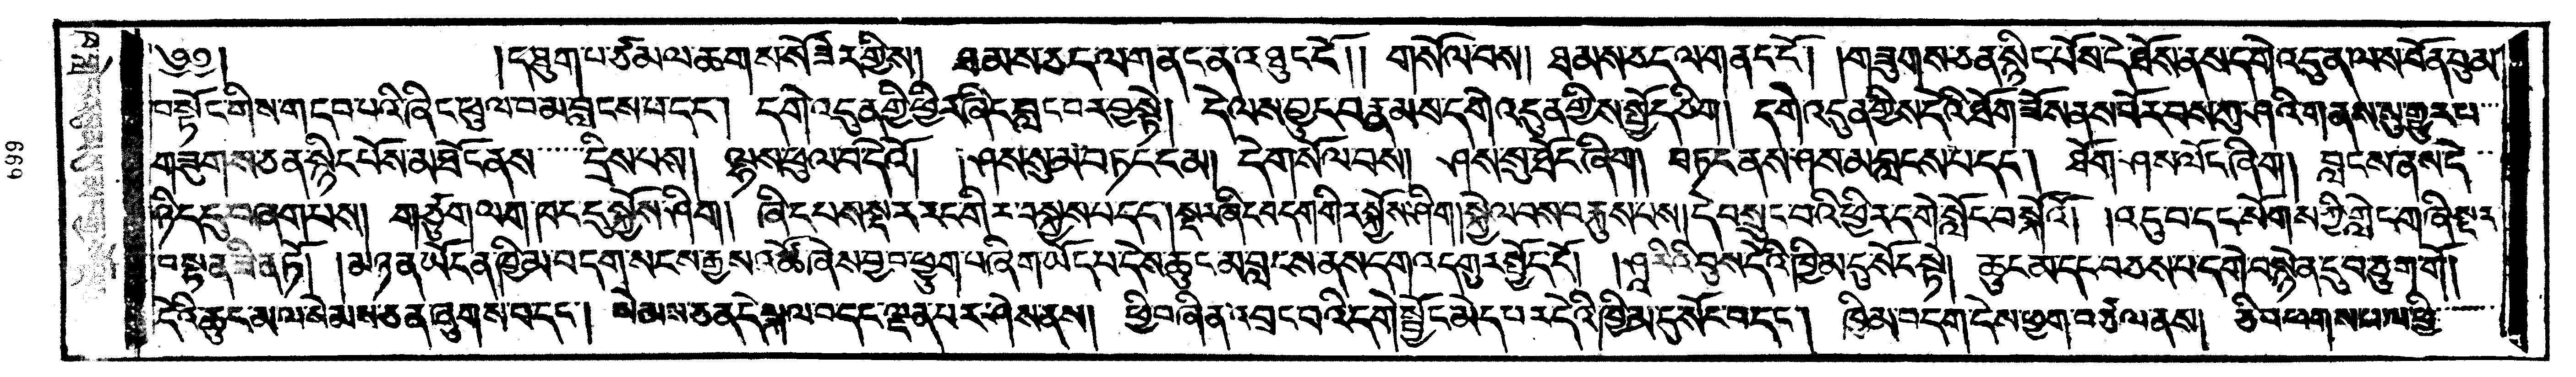༄༅། །ད་ཐུག་པ་ཙམ་ལ་ཆགས་སོ་ཟེར་གྱིས། ཐམས་ཅད་ལ་གནང་ན་འཐུང་ངོ།། གསོལ་བས། ཐམས་ཅད་ལ་གནང་ངོ། །གཟུགས་ཅན་སྙིང་པོས་དེ་ཐོས་ནས་དགེ་འདུན་ལ་ས་བོན་བུམ་
བསྟོང་གིས་གདབ་པའི་ཞིང་ཕུལ་བ་མ་བླངས་པ་དང་། དགེ་འདུན་གྱི་ཕྱིར་ཞིང་བླང་བར་བྱ་སྟེ། དེ་ལས་བྱུང་བ་རྣམས་དགེ་འདུན་གྱིས་སྤྱོད་ཅིག། དགེ་འདུན་གྱིས་དེའི་ཐོག་ཟོས་ནས་བོར་བས་ཀུ་ཤའི་གནས་སུ་གྱུར་པ་
གཟུགས་ཅན་སྙིང་པོས་མཐོང་ནས་དྲིས་པས། ལྷས་ཕུལ་བ་དེའོ། །ཤས་སུ་མ་བཏང་ངམ། དེ་གསོལ་བས། ཤས་སུ་ཐོང་ཞིག། བཏང་ནས་ཤས་མ་བླངས་པ་དང་། ཐོག་ཤས་ལོང་ཞིག། བླངས་ནས་དེ་
ཉིད་དུ་བཞག་པས། གཙུག་ལག་ཁང་དུ་སྐྱོས་ཤིག། ཞིང་པས་སྔར་རང་གིར་བསྐྱས་པ་དང་། སྔར་ཞིང་བདག་གིར་སྐྱོས་ཤིག། སྐྱེལ་བས་བརྐུས་པས། དེ་བསྲུང་བའི་ཕྱིར་དགེ་སློང་བསྐོའོ། །འདུ་བ་དང་སོགས་ཀྱི་གླེང་གཞི་སྔར་
བསྟན་ཟིན་ཏོ། །མཉན་ཡོང་ན་ཁྱིམ་བདག་སངས་རྒྱས་འཚོ་ཞེས་བྱ་བ་ཕྱུག་པ་ཞིག་ཡོད་པ་དེས་ཆུང་མ་བླངས་ནས་དགའ་དགུར་སྤྱོད་དོ། །ཤཱ་རིའི་བུས་དེའི་ཁྱིམ་དུ་སོང་སྟེ། ཆུང་མ་དང་བཅས་པ་དགེ་བསྙེན་དུ་བཅུག་གོ།
དེའི་ཆུང་མ་ལ་སེམས་ཅན་ཞུགས་པ་དང་། སེམས་ཅན་དེ་སྐལ་བ་དང་ལྡན་པར་ཤེས་ནས། ཕྱི་བཞིན་འབྲང་བའི་དགེ་སྦྱོང་མེད་པར་དེའི་ཁྱིམ་དུ་སོང་བ་དང་། ཁྱིམ་བདག་དེས་ཕྱག་བཙལ་ནས། ཅི་འཕགས་པ་ལ་ཕྱི་